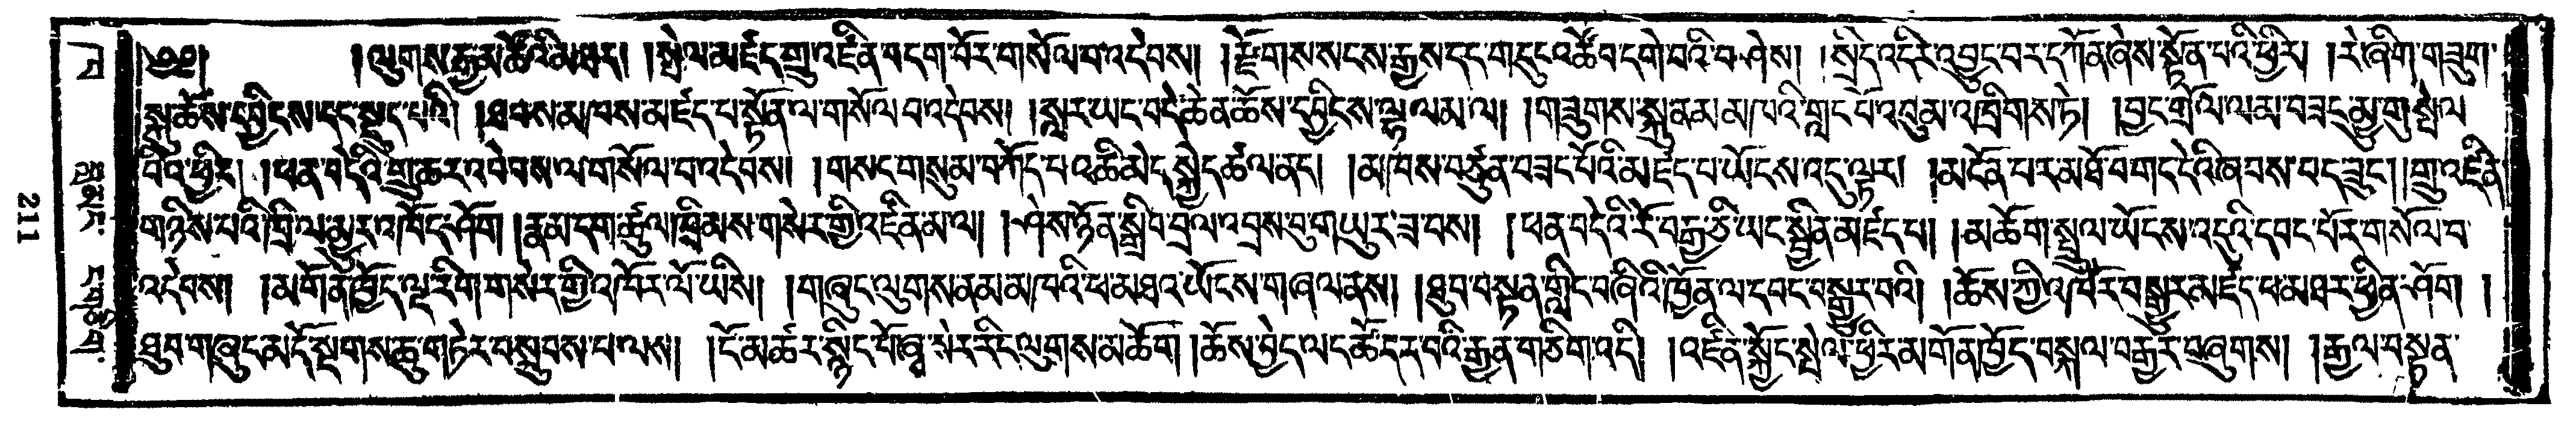༄༅། །ལུགས་རྒྱ་མཚོའི་མཐར། །སྤེལ་མཛད་གྲུ་འཛིན་བདག་བོར་གསོལ་བ་འདེབས། །རྫོགས་སངས་རྒྱས་དང་གདུང་འཚོབ་དགེ་བའི་བཤེས། །སྲིད་འདིར་འབྱུང་བར་དཀོན་ཞེས་སྟོན་པའི་ཕྱིར། །རེ་ཞིག་གཟུག་
སྐུ་ཆོས་དབྱིངས་དང་སྡུད་པའི། །ཐབས་མཁས་མཛད་པ་སྟོན་ལ་གསོལ་བ་འདེབས། །སླར་ཡང་བདེ་ཆེན་ཆོས་དབྱིངས་ལྷ་ལམ་ལ། །གཟུགས་སྐུ་ནམ་མཁའི་གླང་པོ་འབུམ་འཁྲིགས་ཏེ། །བྱང་གྲོལ་ལམ་བཟང་མྱུ་གུ་སྤེལ་
བའི་ཕྱིར། །ཕན་བདེའི་གྲུ་ཆར་འབེབས་ལ་གསོལ་བ་འདེབས། །གསང་གསུམ་བཀོད་པ་འཆི་མེད་སྐྱེད་ཚལ་ནད། །མཁས་བཙུན་བཟང་པོའི་མཛད་པ་ཡོངས་འདུ་ལྟར། །མངོན་པར་མཐོ་བ་གད་དེའི་ཞབས་པད་ཟུང་། །གྲུ་འཛིན་
གཉིས་པའི་ཁྲི་ལ་མྱུར་འཁོད་ཤོག །རྣམ་དག་ཚུལ་ཁྲིམས་གསེར་གྱི་འཛིན་མ་ལ། །ཤེས་ཉོན་སྒྲིབ་བྲལ་འབྲས་བུ་གཡུར་ཟ་བས། །ཕན་བདེའི་རོ་བརྒྱ་ཅི་ཡང་སྦྱིན་མཛད་པ། །མཆོག་སྤྲུལ་ཡོངས་འདུའི་དབང་པོར་གསོལ་བ་
འདེབས། །མགོན་ཁྱོད་ལྔ་རིག་གསེར་གྱི་འཁོར་ལོ་ཡིས། །གཞུང་ལུགས་ནམ་མཁའི་ཕ་མཐའ་ཡོངས་གཞལ་ནས། །ཐུབ་བསྟན་གླིང་བཞིའི་ཁྱོན་ལ་དབང་བསྒྱུར་བའི། །ཆོས་ཀྱི་འཁོར་བསྒྱུར་མཛད་ཕ་མཐར་ཕྱིན་ཤོག།
ཐུབ་གཞུང་མདོ་སྔགས་ཆུ་གཏེར་བསྲུབས་པ་ལས། །ངོ་མཚར་སྙིང་པོ་ཞྭ་སེར་རིང་ལུགས་མཆོག །ཆོས་བྱེད་ལང་ཚོ་དར་བའི་རྒྱན་གཅིག་འདི། །འཛིན་སྐྱོང་སྤེལ་ཕྱིར་མགོན་ཁྱོད་བསྐལ་བརྒྱར་བཞུགས། །རྒྱལ་བསྟན་